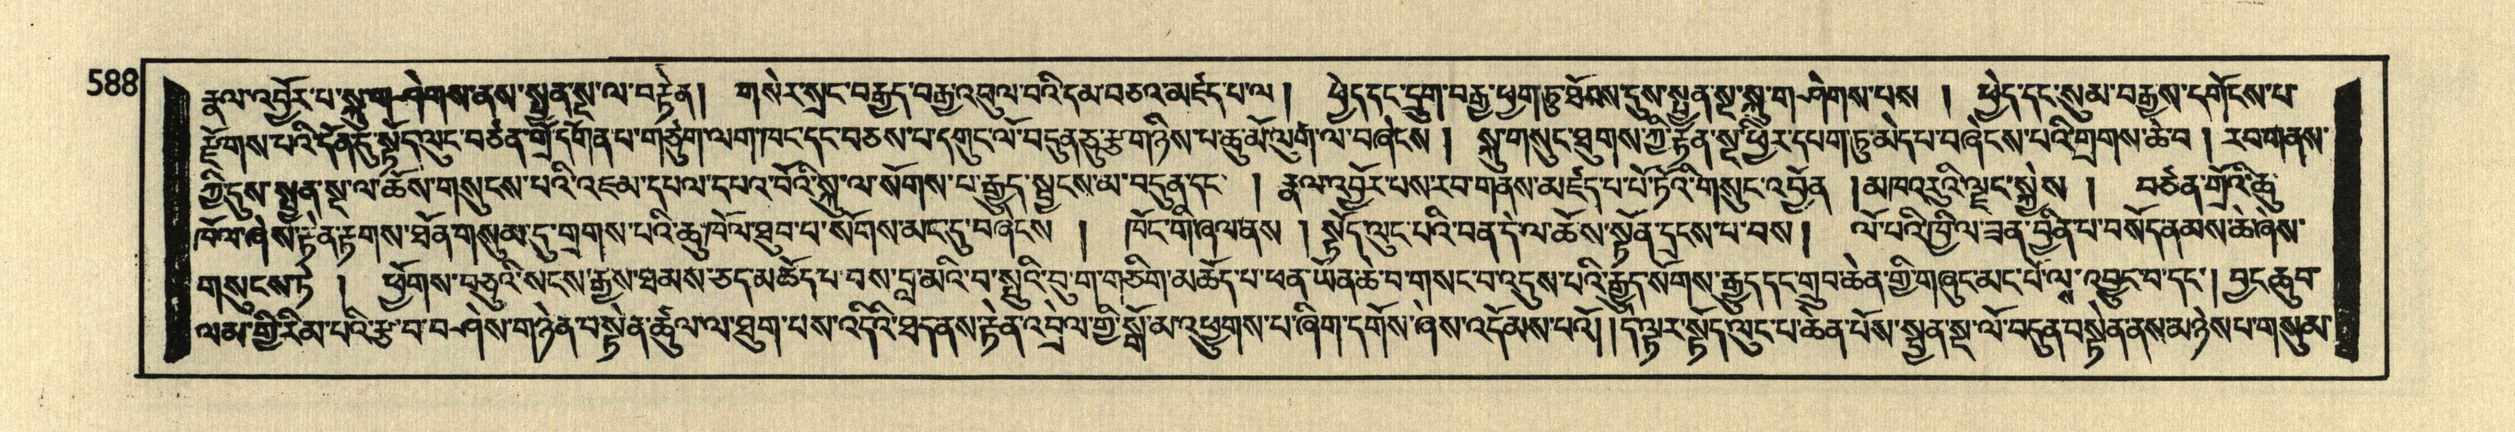རྣལ་འབྱོར་པ་སྐུ་གཤེགས་ནས་སྤྱན་སྔ་ལ་བརྟེན། གསེར་སྲང་བརྒྱད་བརྒྱ་འབུལ་བའི་དམ་བཅའ་མཛད་པ་ལ། ཕྱེད་དང་དྲུག་བརྒྱ་ཕྱག་ཏུ་ཐོབས་དུས་སྤྱན་སྔ་སྐུ་གཤེགས་པས་། ཕྱེད་དང་སུམ་བརྒྱས་དགོངས་པ་
རྫོགས་པའི་དོན་དུ་སྟོད་ལུང་བཙན་གྲོ་དགོན་པ་གཙུག་ལག་ཁང་དང་བཅས་པ་དགུང་ལོ་བདུན་ཅུ་རྩ་གཉིས་པ་ཆུ་མོ་ལུག་ལ་བཞེངས་། སྐུ་གསུང་ཐུགས་ཀྱི་རྟེན་སྔ་ཕྱིར་དཔག་ཏུ་མེད་པ་བཞེངས་པའི་གྲགས་ཆེ་བ། རབ་གནས་
ཀྱི་དུས་སྤྱན་སྔ་ལ་ཆོས་གསུངས་པའི་འཇམ་དཔལ་དཔའ་བོའི་སྐུ་ལ་སོགས་པ་རྒྱུད་སྦྱངས་མ་བདུན་དང་། རྣལ་འབྱོར་པས་རབ་གནས་མཛད་པ་པོ་ཏོའི་གསུང་འབྱོན་།མཁའ་རུའི་ལྗང་སྐྱེས་། བཙན་གྲོའི་ཆུ་
ཁོལ་ཞེས་རྟེན་རྟགས་ཐོན་གསུམ་དུ་གྲགས་པའི་ཆུ་ཁོལ་ཐུབ་པ་སོགས་མང་དུ་བཞེངས་། ཁོང་གི་ཞལ་ནས་། སྟོད་ལུང་པའི་བན་དེ་ལ་ཆོས་སྟོན་དྲངས་པ་བས། ལོ་པའི་ཁྱིལ་ཟན་བྱིན་པ་བསོད་ནམས་ཆེ་ཞེས་
གསུངས་ཏེ་། ཕྱོགས་བཅུའི་སངས་རྒྱས་ཐམས་ཅད་མཆོད་པ་བས་བླ་མའི་བ་སྤུའི་བུ་ག་གཅིག་མཆོད་པ་ཕན་ཡོན་ཆེ་བ་གསང་བ་འདུས་པའི་རྒྱུད་སོགས་རྒྱུད་དང་གྲུབ་ཆེན་གྱི་གཞུང་མང་པོ་ལས་འབྱུང་བ་དང་། བྱང་ཆུབ་
ལམ་གྱི་རིམ་པའི་རྩ་བ་བཤེས་གཉེན་བསྟེན་ཚུལ་ལ་ཐུག་པས་འདིའི་ཐད་ནས་རྟེན་འབྲེལ་གྱི་སྒོ་མ་འཕྱུགས་པ་ཞིག་དགོས་ཞེས་འདོམས་པའོ། །དེ་ལྟར་སྟོད་ལུང་པ་ཆེན་པོས་སྤྱན་སྔ་ལོ་བདུན་བསྟེན་ནས་མཉེས་པ་གསུམ་